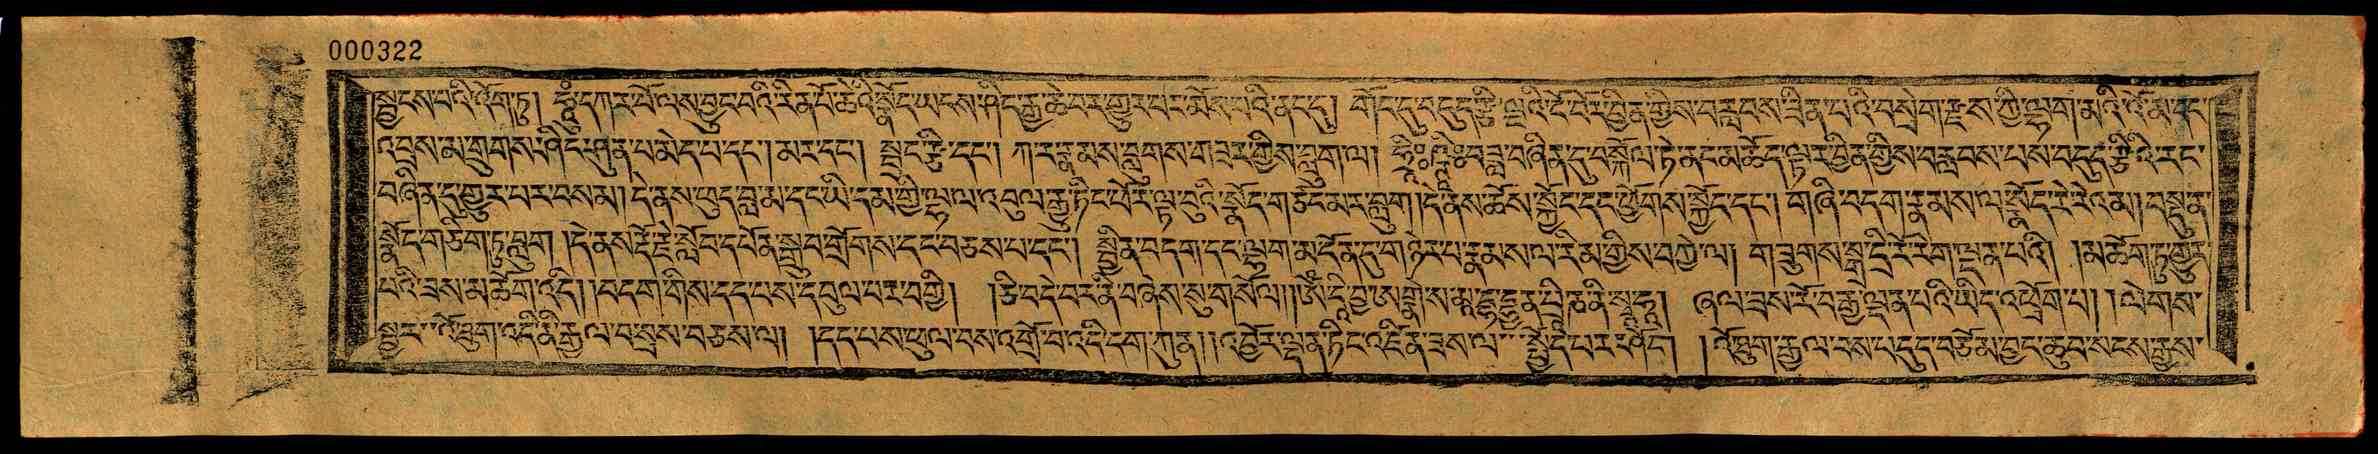སྦྱངས་བའི་འོག་ཏུ། ཧཱུཾ་དཀར་པོ་ལས་བྱུང་བའི་རིན་པོ་ཆེའི་སྣོད་ཡངས་ཤིང་རྒྱ་ཆེ་བར་གྱུར་པར་མོས་པའི་ནང་དུ། གོང་དུ་བདུད་རྩི་ལྔའི་ངོ་བོར་བྱིན་གྱིས་བརླབས་ཟིན་པའི་བསྲེག་རྫས་ཀྱི་ལྷག་མའི་འོ་མ་དང་
འབྲས་མ་གྲུགས་ཤིང་ཤུན་པ་མེད་པ་དང་། མར་དང་། སྦྲང་རྩི་དང་། ཀ་ར་རྣམས་བླུགས་གཟར་གྱིས་བླུག་ལ། ཧྲཱིཿ ཥྚཱིཿ བཟླ་བཞིན་དུ་བསྐོལྟེ་ནང་མཆོད་ལྟར་བྱིན་གྱིས་བརླབས་པས་བདུད་རྩིའི་རང་
བཞིན་དུ་གྱུར་པར་བསམ། དེ་ནས་ཕུང་བླ་མ་དང་ཡི་དམ་གྱི་ལྷ་ལ་འབུལ་རྒྱུ་ཏིང་ཕོར་ལྟ་བུའི་སྣོད་གཙང་མར་བླུག །དེ་ནས་ཆོས་སྐྱོང་དང་ཕྱོགས་སྐྱོང་དང་། གཞི་བདག་རྣམས་ལ་སྣོད་རེ་རེའམ།བསྡུ་ན་
སྨོད་གཅིག་ཏུ་བླུག །དེ་ནས་རྡོ་རྗེ་སློབ་དཔོན་སྒྲུབ་གྲོགས་དང་བཅས་པ་དང་། །སྦྱིན་བདག་དང་ལྷག་མ་དོན་དུ་གཉེར་བ་རྣམས་ལ་རིམ་གྱིས་བཀྱེ་ལ། གཟུགས་སྒྲ་དྲི་རོ་རེག་ལྡན་པའི། །མཆོག་ཏུ་གྱུར་
པའི་ཟས་མཆོག་འདི། །བདག་གིས་དང་པས་དབུལ་བར་བགྱི། །ཅི་བདེ་བར་ནི་བཞེས་སུ་གསོལ། །ཨོཾ་དཱི་བྱ་བ་ལིཾ་ས་མཱ་དྷ་དྷྱནྤྲིཎ་ནི་སྭཱཧཱ། ཞལ་ཟས་རོ་བརྒྱ་ལྡན་པའི་ཡིད་འཕྲོག་པ། །ལེགས་
སྦྱར་འོ་ཐུག་འདི་ནི་རྒྱལ་བ་སྲས་བཅས་ལ། །དད་པས་ཕུལ་བས་འགྲོ་བ་འདི་དག་ཀུན། །འབྱོར་ལྡན་ཏིང་འཛིན་ཟས་ལ་འ་སྤྱོད་པར་ཤོག ། འོ་ཐུག་རྒྱལ་བས་བདུད་བཅོམ་བྱང་ཆུབ་སངས་རྒྱས་